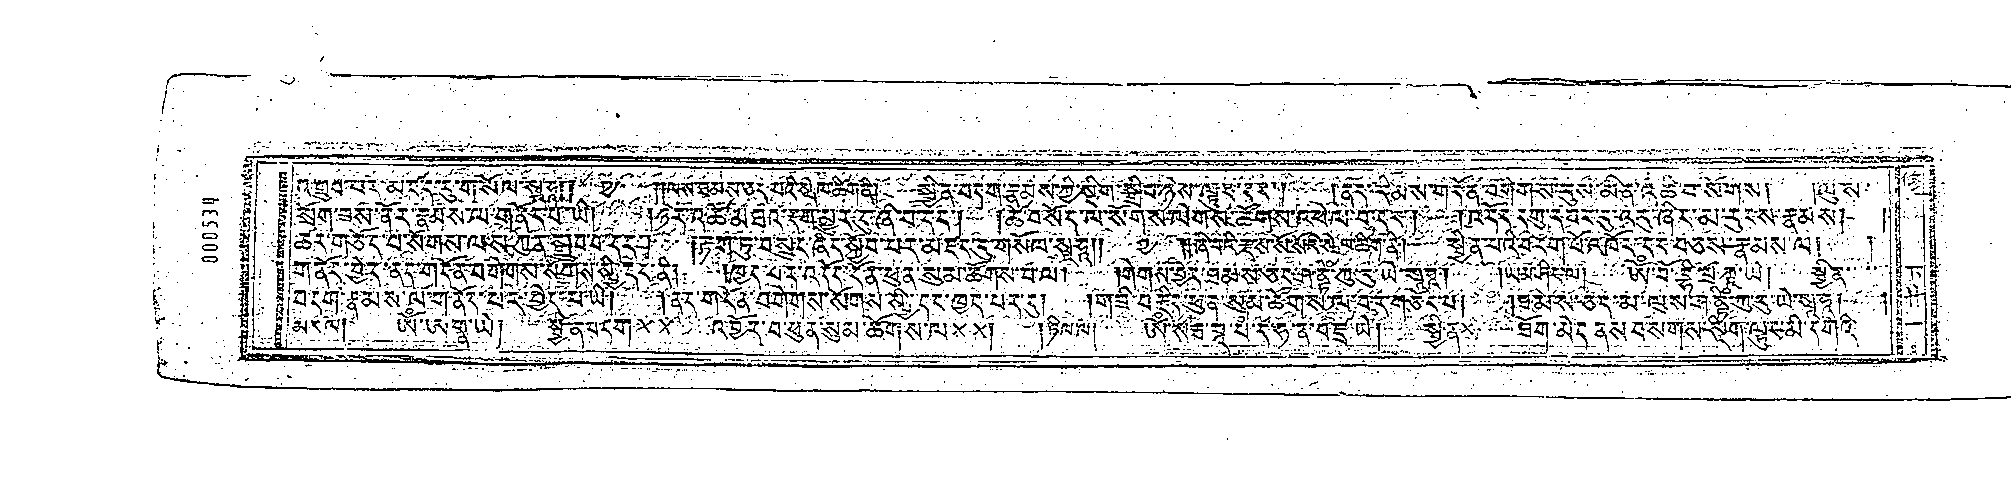འགྲུབ་པར་མཛད་དུ་གསོལ་སྭཱཧཱ།། ༧་།།ལས་ཐམས་ཅད་པའི་སྤེལ་ཚིག་ནི། སྦྱིན་བདག་རྣམས་ཀྱི་སྡིག་སྒྲིབ་ཉེས་ལྟུང་དང་། །ནད་རིམས་གདོན་བགེགས་དུས་མིན་འཆི་བ་སོགས། །ལུས་
སྲོག་ཟས་ནོར་རྣམས་ལ་གནོད་པ་ཡི། །ཉེར་འཚེ་མཐའ་དག་མྱུར་དུ་ཞི་བ་དང་། །ཚེ་བསོད་ལ་སོགས་ལེགས་ཚོགས་འཕེལ་བ་དང་། །འདོད་དགུ་དབང་དུ་འདུ་ཞིང་མ་རུངས་རྣམས། །
ཚར་གཅོད་པ་སོགས་ལས་ཀུན་སྒྲུབ་བ་དང་། །རྟག་ཏུ་བསྲུང་ཞིང་སྐྱོབ་པར་མཛད་དུ་གསོལ་སྭཱཧཱ།། ༧་།།ཞི་བའི་རྫས་སོ་སོའི་སྤེལ་ཚིག་ནི། སྦྱིན་པའི་བདག་པོ་འཁོར་དང་བཅས་རྣམས་ལ། །
གནོད་བྱེད་ནང་གདོན་བགེགས་སོགས་སྤྱི་དང་ནི། །ཁྱད་པར་འདོད་དོན་ཕུན་སུམ་ཚོགས་པ་ལ། །གེགས་བྱེད་ཐམས་ཅད་ཤནྟིཾ་ཀུ་རུ་ཡེ་སྭཱཧཱ། །ཡམ་ཤིང་ལ། ཨོཾ་བོ་དྷི་པྲྀཀྵ་ཡེ། སྦྱིན་
བདག་རྣམས་ལ་གདོན་པར་བྱེད་པ་ཡི། །ནད་གདོན་བགེགས་སོགས་སྤྱི་དང་ཁྱད་པར་དུ། །གཟི་བརྗིད་ཕུན་སུམ་ཚོགས་ལ་བར་གཅོད་པ། །ཐམས་ཅད་མ་ལུས་ཤནྟིཾ་ཀུ་རུ་ཡེ་སྭཱཧཱ། །
མངལ། ཨོཾ་ཨགན་ཡེ། སྦྱིན་བདག་྾་྾་།འབྱོར་བ་ཕུན་སུམ་ཚོགས་ལ་྾་྾། །ཏིལ་ལ། ཨོཾ་སརྦ་བཱ་པཾ་ད་ཧ་ན་བཛྲ་ཡེ། སྦྱིན་྾་ཐོག་མེད་ནས་བསགས་སྡིག་ལྟུང་མི་དགེའི་